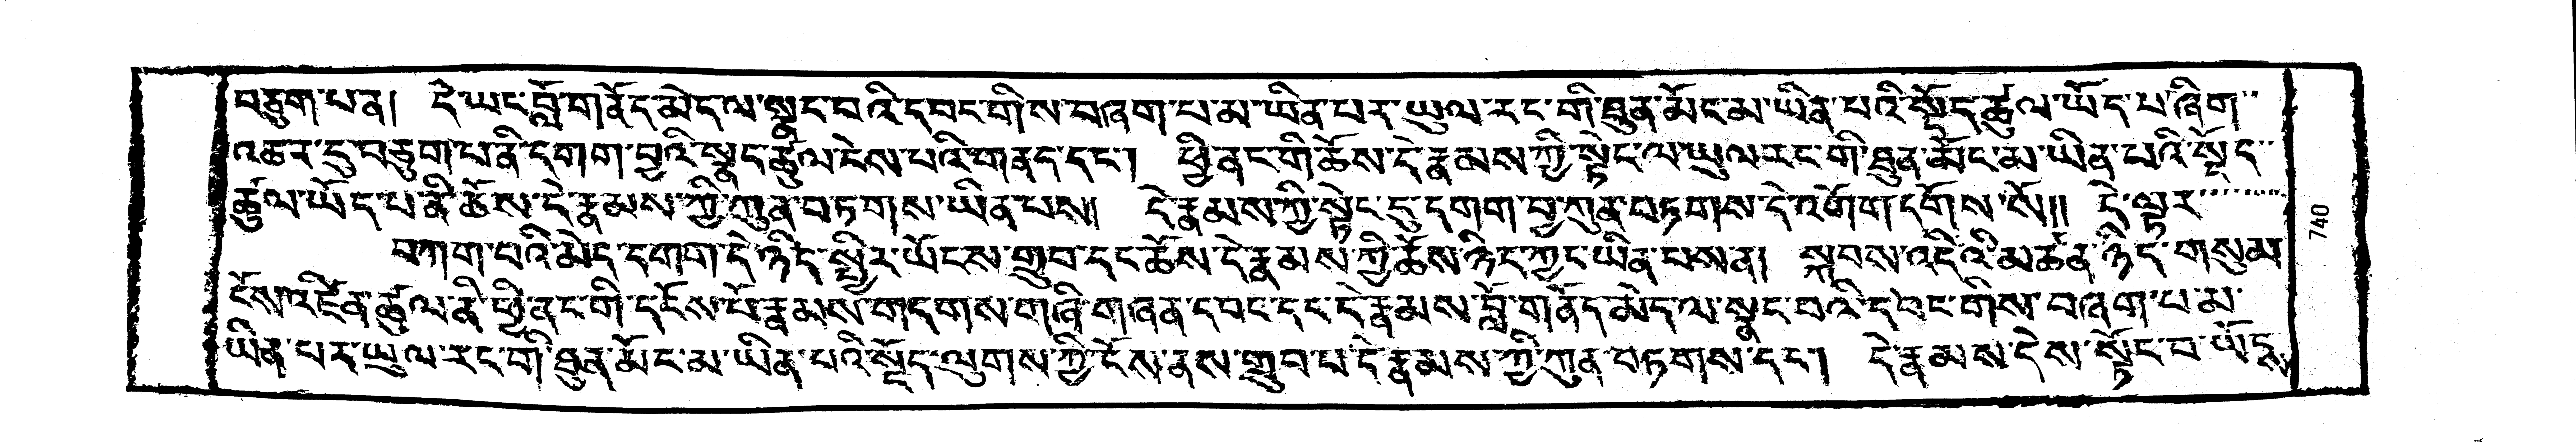བཅུག་པ་ན། དེ་ཡང་བློ་གནོད་མེད་ལ་སྣང་བའི་དབང་གིས་བཞག་པ་མ་ཡིན་པར་ཡུལ་རང་གི་ཐུན་མོང་མ་ཡིན་པའི་སྡོད་ཚུལ་ཡོད་པ་ཞིག་
འཆར་དུ་བཅུག་པ་ནི་དགག་བྱའི་སྣང་ཚུལ་ངེས་པའི་གནད་དང་། ཕྱི་ནང་གི་ཆོས་དེ་རྣམས་ཀྱི་སྟེང་ལ་ཡུལ་རང་གི་ཐུན་མོང་མ་ཡིན་པའི་སྡོད་
ཚུལ་ཡོད་པ་ནི་ཆོས་དེ་རྣམས་ཀྱི་ཀུན་བཏགས་ཡིན་པས། དེ་རྣམས་ཀྱི་སྟེང་དུ་དགག་བྱ་ཀུན་བཏགས་དེ་འགོག་དགོས་སོ།། དེ་ལྟར་
བཀག་པའི་མེད་དགག་དེ་ཉིད་སྤྱིར་ཡོངས་གྲུབ་དང་ཆོས་དེ་རྣམས་ཀྱི་ཆོས་ཉིད་ཀྱང་ཡིན་པས་ན། སྐབས་འདིའི་མཚན་ཉིད་གསུམ་
ངོས་འཛིན་ཚུལ་ནི་ཕྱི་ནང་གི་དངོས་པོ་རྣམས་གདགས་གཞི་གཞན་དབང་དང་དེ་རྣམས་བློ་གནོད་མེད་ལ་སྣང་བའི་དབང་གིས་བཞག་པ་མ་
ཡིན་པར་ཡུལ་རང་གི་ཐུན་མོང་མ་ཡིན་པའི་སྡོད་ལུགས་ཀྱི་ངོས་ནས་གྲུབ་པ་དེ་རྣམས་ཀྱི་ཀུན་བཏགས་དང་། དེ་རྣམས་དེས་སྟོང་བ་ཡོངས་